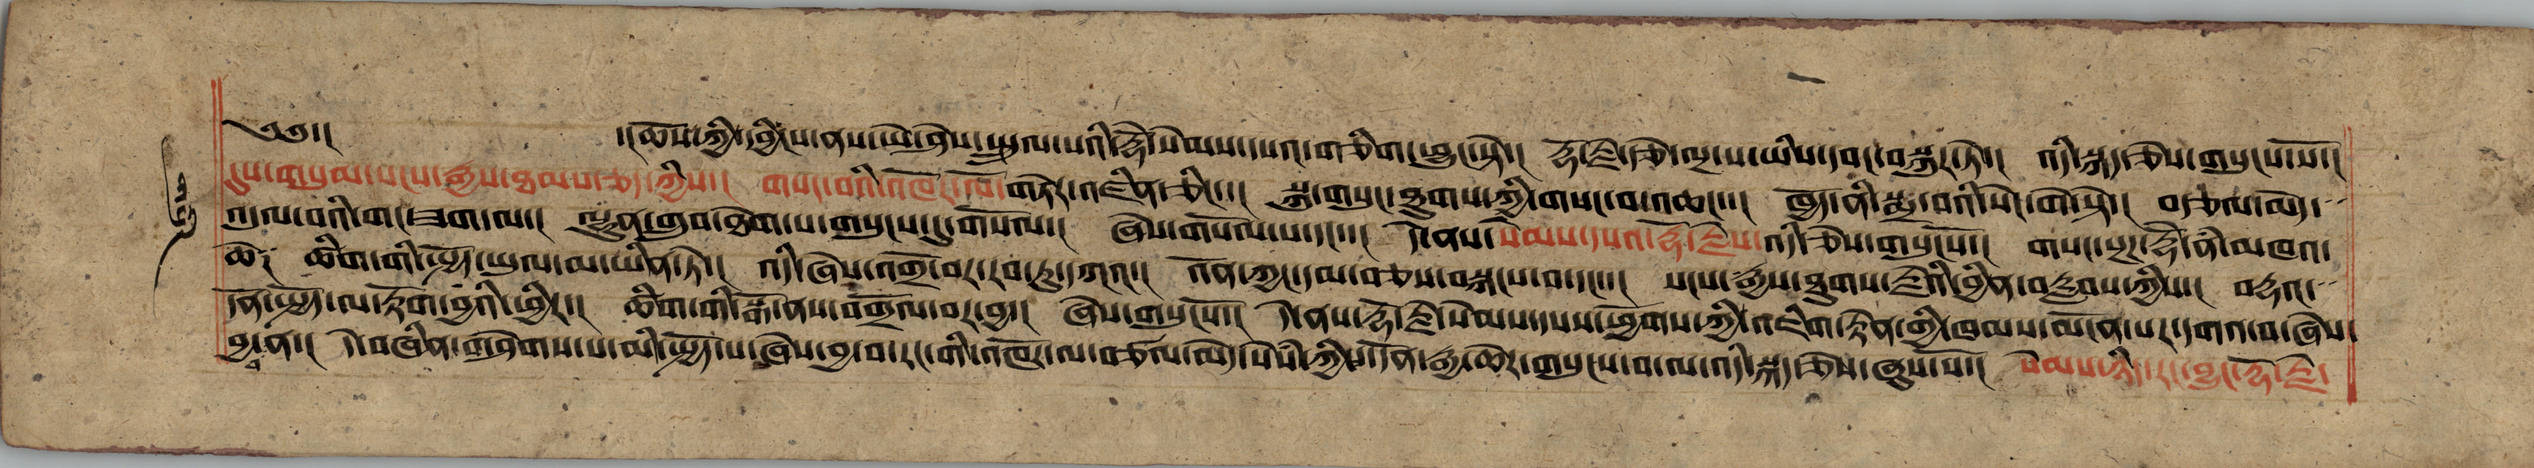༄༅་། ་།ཆོས་ཀྱི་དབྱིངས་ནས་ཡེ་ཤེས་སྤྲུལ་པའི་རྡོེ་སེམས་དཔའ་གཅིག་ཕྱུང་སྟེ་། རྡོ་རྗེ་རྩེ་ལྔ་པ་ཡིས་དབང་བསྐུར་ཏེ་། འདི་སྐད་ཅེས་གསུངས་སོ་།
དུས་གསུམ་སངས་རྒྱས་ཐམས་ཅད་ཀྱིས་། གསང་བའི་འཁོར་ལོ་གཏེར་འཛིན་ཅིང་་། སྐུ་གསུང་ཐུགས་ཀྱི་གསང་བ་འཆང་་། ཁྱོད་ནི་སྨྲ་བའི་སེང་གེ་སྟེ་། བརྩལ་མེད་
འདུལ་བའི་གང་ཟག་ལ་། ལྷུན་གྲུབ་ཐེག་པ་གསུངས་དུ་གསོལ་། ཞེས་གསོལ་པ་དང་། དེ་ནས་སེམས་དཔའ་རྡོ་རྗེས་འདི་ཅེས་གསུངསསོ་། གསང་སྔཌ་རྡོེ་ནཾ་མཁའ་
ཆེ༑ ཚིག་གི་སྤྱོད་ཡུལ་མ་ཡིན་ཏེ་། འདི་ཞེས་འགྲོ་བར་རབ་ཏུ་དཀའ་། འོན་ཀྱང་དམ་བཅས་བསྐངས་པ་དང་་། སངས་རྒྱས་ཐུགས་རྗེའི་བྱིན་བརླབས་ཀྱིས་། བརྡའ་
དོན་སྤྱོད་ལ་རྟོག་བྱའི་ཕྱིར་། ཚིག་གི་སྒོ་ནས་བགྲོལ་བར་བྱ་། ཞེས་གསུངསོ་། དེ་ནས་རྡོ་རྗེ་སེམས་དཔས་ཕྱོགས་ཀྱི་འཇིག་རྟེན་གྱི་ཁམས་མངོན་པར་དགའ་བ་ཞེས་
བྱ་ན་། དེ་བཞིན་གཤེགས་པ་མི་སྤྱོད་པ་ཞེས་བྱ་བ་རང་གི་འཁོར་ལ་བཙལ་མེད་སེཾམ་ཀྱིས་དོན་རྒྱ་ཆེར་གསུངས་བ་ལ་འདི་སྐད་ཅེས་ཞུས་སོ་། སེམས་ཉིད་རང་བྱུང་རྡོ་རྗེ་